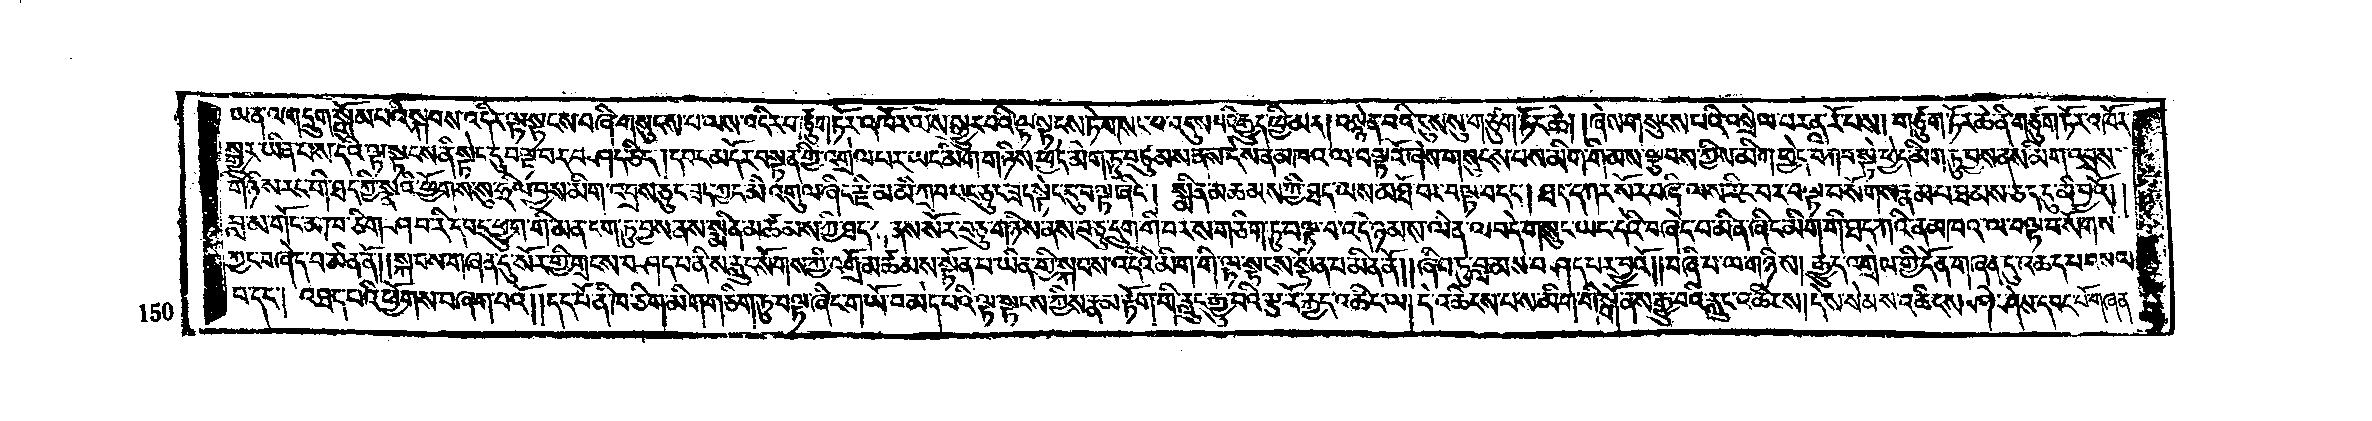ཡན་ལག་དྲུག་སྒོམ་པའི་སྐབས་འདིར་ལྟ་སྟངས་བཞི་གསུངས་པ་ལས་འདིར་གཙུག་ཏོར་འཁོར་ལོས་སྒྱུར་བའི་ལྟ་སྟངས་ཏེ་གསང་བ་འདུས་པའི་རྒྱུད་ཕྱི་མར། བསྙེན་པའི་དུས་སུ་གཙུག་ཏོར་ཆེ། །ཞེས་གསུངས་པའི་བསྲེལ་པར་ནཱ་རོ་པས། གཙུག་ཏོར་ཆེ་ནི་གཙུག་ཏོར་འཁོར་
སྒྱུར་ཡིན་པས་དེའི་ལྟ་སྟངས་ནི་སྟེང་དུ་བལྟ་བར་བཤད་ཅིང་། དབང་མདོར་བསྟན་གྱི་འགྲེལ་པར་ཡང་མིག་གཉིས་ཕྱེད་མིག་ཏུ་བཙུམས་ནས་དེས་ནམ་མཁའ་ལ་བལྟའོ་ཞེས་གསུངས་པས་མིག་གི་མས་ལྕབས་ཀྱིས་མིག་ཕྱེད་བཀབ་སྟེ་ཕྱེད་མིག་ཏུ་བྱས་ནས་མིག་འབྲས་
གཉིས་རང་གི་ཐད་ཀྱི་སྣའི་ཕྱོགས་སུ་ཧྲིལ་བྱས་མིག་འབྲས་ཅུང་ཟད་ཀྱང་མི་འགུལ་ཞིང་རྫི་མ་མི་ཀྲབ་པར་ཅུང་ཟད་སྟེང་དུ་བལྟ་ཞིང་། སྨིན་མཚམས?་ཀྱི་ཐད་ལས་མཐོ་བར་བལྟ་བ་དང་། ཐད་དཀར་སོར་བཞི་ལས་རིང་བར་བལྟ་བ་སོགས་རྣམ་པ་ཐམས་ཅད་དུ་མི་བྱའོ། །
བླ་མ་གོང་མ་ཁ་ཅིག་ཤ་བ་རི་དབང་ཕྱུག་གི་མན་ངག་ཏུ་བྱས་ནས་སྨིན་མཚམས་ཀྱི་ཐད་ཀ་ནས་སོར་བཅུ་གཉིས་ནས་བཅུ་དྲུག་གི་བར་ས་གཅིག་ཏུ་བལྟ་བ་འདི་ཉམས་ལེན་ལ་བདེ་གསུང་ཡང་དེའི་བཞེད་པ་མིན་ཞིང་མིག་གི་ཐད་ཀའི་ནམ་མཁའ་ལ་བལྟ་བ་སོགས་
ཀྱང་བཞེད་པ་མིན་ནོ། །སྐབས་གཞན་དུ་སོར་གྱི་གྲངས་བཤད་པ་ནི་ས་རླུང་སོགས་ཀྱི་འགྲོ་མཚམས་སྟོན་པ་ཡིན་གྱི་སྐབས་འདིའི་མིག་གི་ལྟ་སྟངས་སྟོན་པ་མིན་ནོ། །ཞིབ་ཏུ་བླ་མས་བཤད་པར་བྱའོ། །བཞི་པ་ལ་གཉིས། རྒྱུད་འགྲེལ་གྱི་དོན་གཞན་དུ་འཆད་པ་བསལ་
བ་དང་། འཐད་པའི་ཕྱོགས་བཞག་པའོ། །དང་པོ་ནི་ཁ་ཅིག་མིག་གཅིག་ཏུ་བལྟ་ཞིང་གཡོ་བ་མེད་པའི་ལྟ་སྟངས་ཀྱིས་རྣམ་རྟོག་གི་རླུང་རྒྱུ་བའི་རྩ་རོ་རྐྱང་འཆིང་ལ། དེ་འཆིངས་པས་མིག་གི་སྒོ་ནས་རྒྱུ་བའི་རླུང་འཆིངས། དེས་སེམས་འཆིངས་ཤེ་ཤེས་དབང་པོ་གཞན་